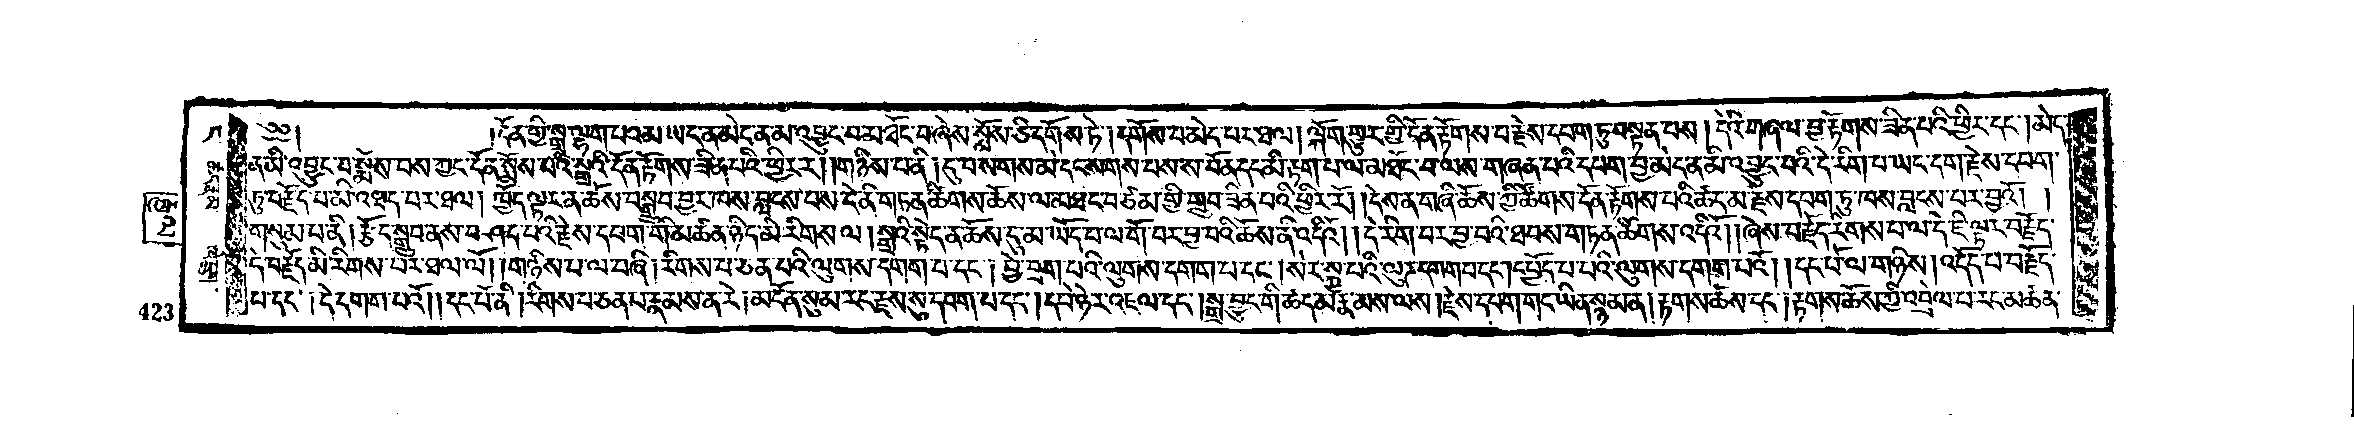༄༅། །དོན་གྱི་སྒྲ་ལྷག་པའམ་ཡང་ན་མེད་ན་མ་འབྱུང་བ་མཐོང་བ་ཞེས་སྨོས་ཅི་དགོས་ཏེ། དགོས་པ་མེད་པར་ཐལ། ལྐོག་གྱུར་གྱི་དོན་རྟོགས་པ་རྗེས་དཔག་ཏུ་བསྟན་པས། དེའི་གཞལ་བྱ་རྟོགས་ཟིན་པའི་ཕྱིར་དང་། མེད་
ན་མི་འབྱུང་བ་སྨོས་པས་ཀྱང་དོན་སྨོས་པའི་སྒྲའི་དོན་རྟོགས་ཟིན་པའི་ཕྱིར་རོ། །གཉིས་པ་ནི། དུ་བ་སགསྨེ་དང་སགསྤས་ས་བོན་དང་མི་རྟག་པ་ལ་མཐོང་བ་ལས་གཞན་པའི་དཔག་བྱ་མེད་ན་མི་འབྱུང་བའི་དེ་རིག་པ་ཡང་དག་རྗེས་དཔག་
ཏུ་བརྗོད་པ་མི་འཐད་པར་ཐལ། ཁྱད་ལྟར་ན་ཆོས་བསྒྲུབ་བྱར་ཁས་བླངས་པས་དེ་ནི་གཏན་ཚིགས་ཆོས་ལ་མཐོང་བ་ཙམ་གྱི་གྲུབ་ཟིན་པའི་ཕྱིར་རོ། །དེས་ན་གཞི་ཆོས་ཀྱི་ཚོགས་དོན་རྟོགས་པའི་ཚད་མ་རྗེས་དཔག་ཏུ་ཁས་བླངས་པར་བྱའོ། །
གསུམ་པ་ནི། རྩོད་སྒྲུབ་ནས་བཤད་པའི་རྗེས་དཔག་གི་མཚན་ཉིད་མི་རིགས་ལ། སྒྲའི་སྟེད་ན་ཆོས་དུ་མ་ཡོད་པ་ལ་གོ་བར་བྱ་བའི་ཆོས་ནི་འདིའོ། །དེ་རིག་པར་བྱ་བའི་ཐབས་གཏན་ཚིགས་འདིའོ། །ཞེས་བརྗོད་རིགས་པ་ལ་དེ་ཇི་ལྟར་བརྗོད་
དེ་བརྗོད་མི་རིགས་པར་ཐལ་ལོ། །གཉིས་པ་ལ་བཞི། རིགས་པ་ཅན་པའི་ལུགས་དགག་པ་དང་། བྱེ་བྲག་པའི་ལུགས་དགག་པ་དང་། སེར་སྐྱེ་པའི་ལུགས་དགག་པ་དང་། དཔྱོད་པ་པའི་ལུགས་དགག་པའོ། །དང་པོ་ལ་གཉིས། འདོད་པ་བརྗོད་
པ་དང་། དེ་དགག་པའོ། །དང་པོ་ནི། རིགས་པ་ཅན་པ་རྣམས་ན་རེ། མངོན་སུམ་རང་རྗེས་སུ་དཔག་པ་དང་། དཔེ་ཉེར་འཇལ་དང་། སྒྲ་བྱུང་གི་ཚད་མ་རྣམས་ལས། རྗེས་དཔག་གང་ཡིན་སྙམ་ན། རྟག་ཆོས་དང་། རྟགས་ཆོས་ཀྱི་འབྲེལ་བ་རང་མཚན་